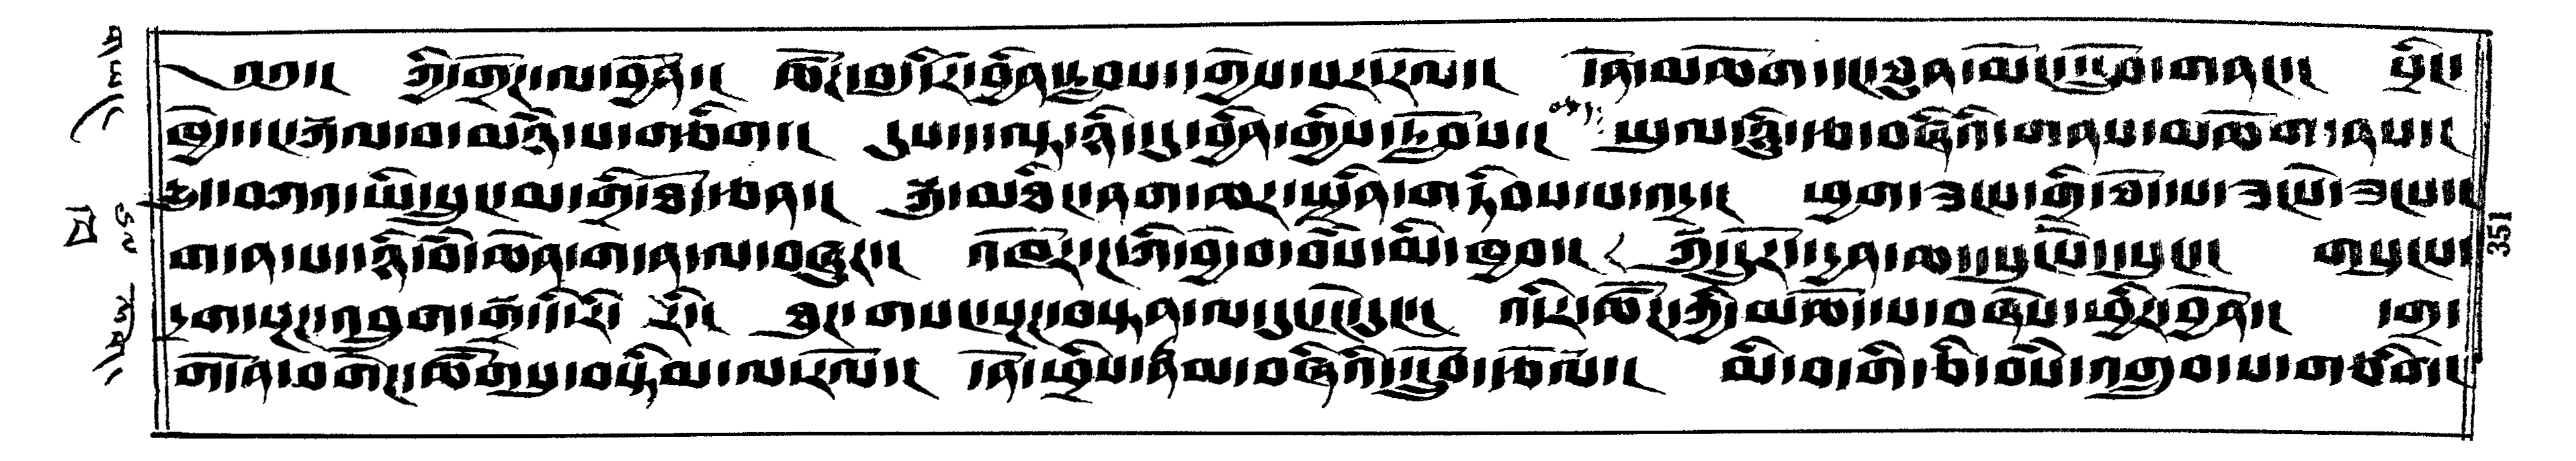ཀྱི་གྲོགས་ལ་བྱོན། །ཚོགས་བདུད་རྩིར་བྱིན་རླབས་དགྱེས་པར་རོལ། །དོན་མཆོག་དང་ཐུན་མོང་དངོས་གྲུབ་གནང་། །སྲིང་
ཁྱེད་དང་སྐལ་བ་མཉམ་པ་ཞིག །དུས་ད་ལྟ་ཉིད་དུ་བྱིན་གྱིས་རློབས། །ཡུལ་ཉི་ཤུ་རྩ་བཞིའི་གནས་མཆོག་ནས། །
རྒྱུད་བཀའ་ཡི་སྲུང་མ་གྲི་ཐོད་ཅན། །སྐུ་མཐིང་ནག་ཆར་སྤྲིན་གཏིབས་པ་འདྲ། །ཕྱག་ཟངས་གྲི་ཐོད་པ་ཟངས་སེ་ཟང་། །
གདན་པད་ཉི་བམ་ཆེན་གདན་ལ་བཞུགས། །འཁོར་ཌཱ་ཀི་བྱེ་བ་བསམ་མི་ཁྱབ། ། སྐུ་དུར་ཁྲོད་རྒྱན་ཆ་དཔུངས་སེ་དཔུང་། །གསུང་
དྲག་སྔགས་འབྲུག་སྒྲ་དི་རི་རི། །ཐུགས་གསང་སྔགས་བསྟན་ལ་དུང་ངེ་དུང་། །འདིར་ཚོགས་ཀྱི་མཆོད་པ་བཞེས་ཕྱིར་བྱོན། །དགྲ་
གདོན་བགེགས་ཚོགས་སུ་བསྟིམ་ལ་རོལ། །དོན་ཕྲིན་ལས་རྣམ་བཞིའི་དངོས་གྲུབ་རྩོལ། །མི་བདག་གི་ཅི་བསམ་འགྲུབ་པ་ཞིག